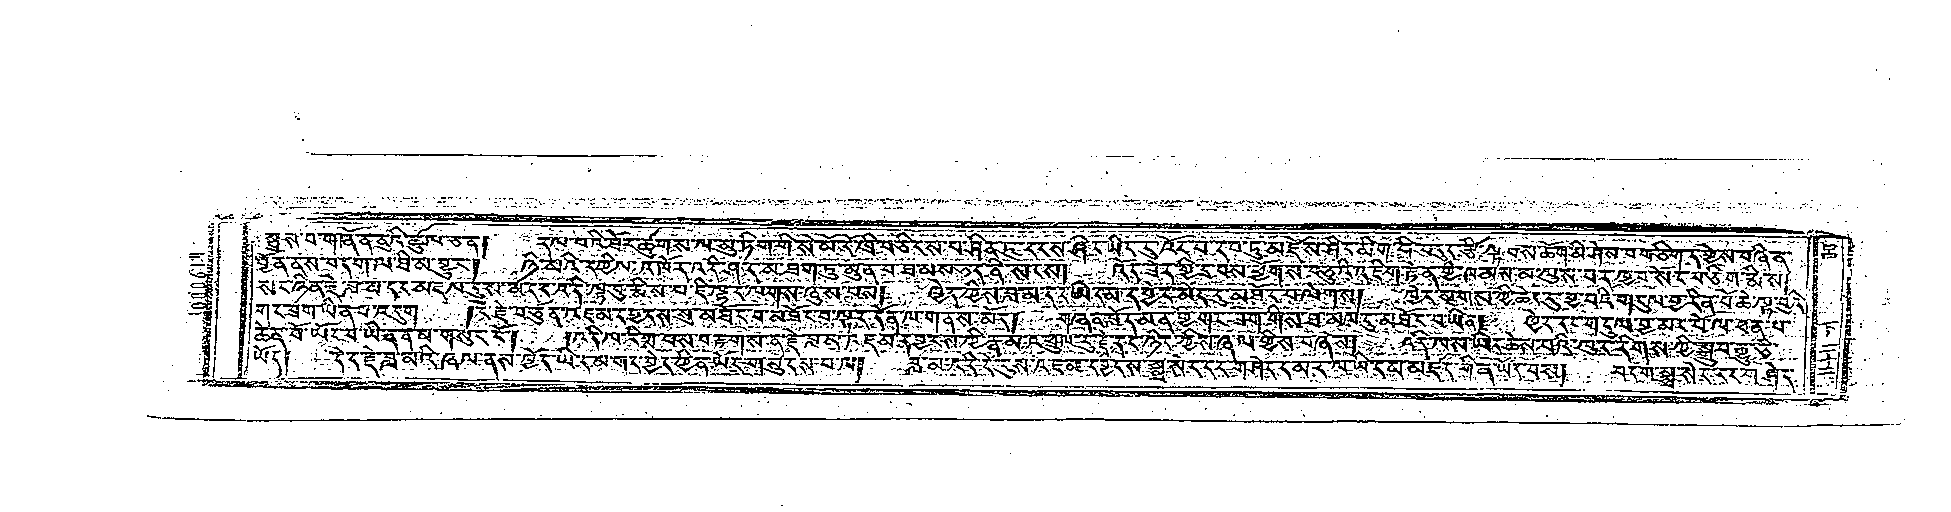སྤྲས་བ་གཞོན་ནུའི་ཚུལ་ཅན། རལ་པའི་ཐོར་ཚུགས་ལ་མུ་ཏིག་གི་སེ་མོ་དེ་ཁྲི་བཅིངས་པ་ཤིན་ཏུ་དངས་ཤིང་ཡིད་དུ་འོང་བ་རབ་ཏུ་མཛེས་ཤིང་མིག་གི་བདུད་རྩི་ལྟ་བས་ཆོག་མི་ཤེས་པ་གཅིག་དགྱེས་བཞིན་
བྱོན་ནས་བདག་ལ་ཐིམ་བྱུང་། ཉི་མའི་དཀྱིལ་འཁོར་འདི་ཤ་དམ་ཐག་ཏུ་མུན་བ་ཐམས་ཅད་ནི་སངས། འོད་ཟེར་གྱི་དྲ་བས་ཕྱོགས་བཅུའི་འཇིག་རྟེན་གྱི་ཁམས་མ་ལུས་པར་ཁྱབ་སོང་བ་ཅིག་རྨིས།
སང་ཉིན་རྗེ་བླ་མ་དང་མཇལ་དུས་མ་དང་འདི་ལྟ་བུ་རྨིས་པ་ཇི་ལྟར་ལགས་ཞུས་པས། ཁྱེད་ཀྱིས་བླ་མ་དང་ཡི་དམ་དབྱེར་མེད་དུ་མཐོང་བ་ལེགས། ཁྱེད་སྔགས་ཀྱི་ཆེད་དུ་བྱ་བའི་གདུལ་བྱ་རིན་པོ་ཆེ་ལྟ་བུའི་
གང་ཟག་ཡིན་བ་འདུག །དེ་རྗེ་བཙུན་འཇམ་དབྱངས་སུ་མཐོང་བ་མཐོང་བ་ལྟར་དོན་ལ་གནས་མོད། གཞན་བློ་དམན་གྱི་གང་ཟག་གིས་ཐ་མལ་དུ་མཐོང་བ་ཡིན། ཁྱེད་རང་གདུལ་བྱ་མང་པོ་ལ་ཕན་པ་
ཆེན་བོ་ཡོང་བ་ཡིན་ནམ་གསུང་ངོ། །འདི་ལ་རིགས་བས་བརྟགས་ན་རྗེ་བླ་མ་འཇམ་དབྱངས་ཀྱི་རྣམ་འཕྲུལ་དུ་རྗེ་རང་ཉིད་ཀྱིས་ཞལ་གྱིས་བཞེས། འདི་ལས་ཡིད་ཆེས་པའི་ཁུང་རིགས་ཀྱི་སྒྲུབ་རྒྱུ་ཅི་
ཡོད། དེར་རྗེ་བླ་མའི་ཞལ་ནས་ཁྱོད་ཡི་དམ་གང་བྱེད་ཀྱིན་ཡོད་གསུངས་པ་ལ། བླ་མ་འདི་དེ་དུས་འཇམ་དབྱངས་སྨྲ་སེར་དང་གཤེར་དམར་ལ་ཡི་དམ་མཛད་གི་ན་ཡོང་བས། བདག་སྨྲ་སེང་ངང་གཤེད་